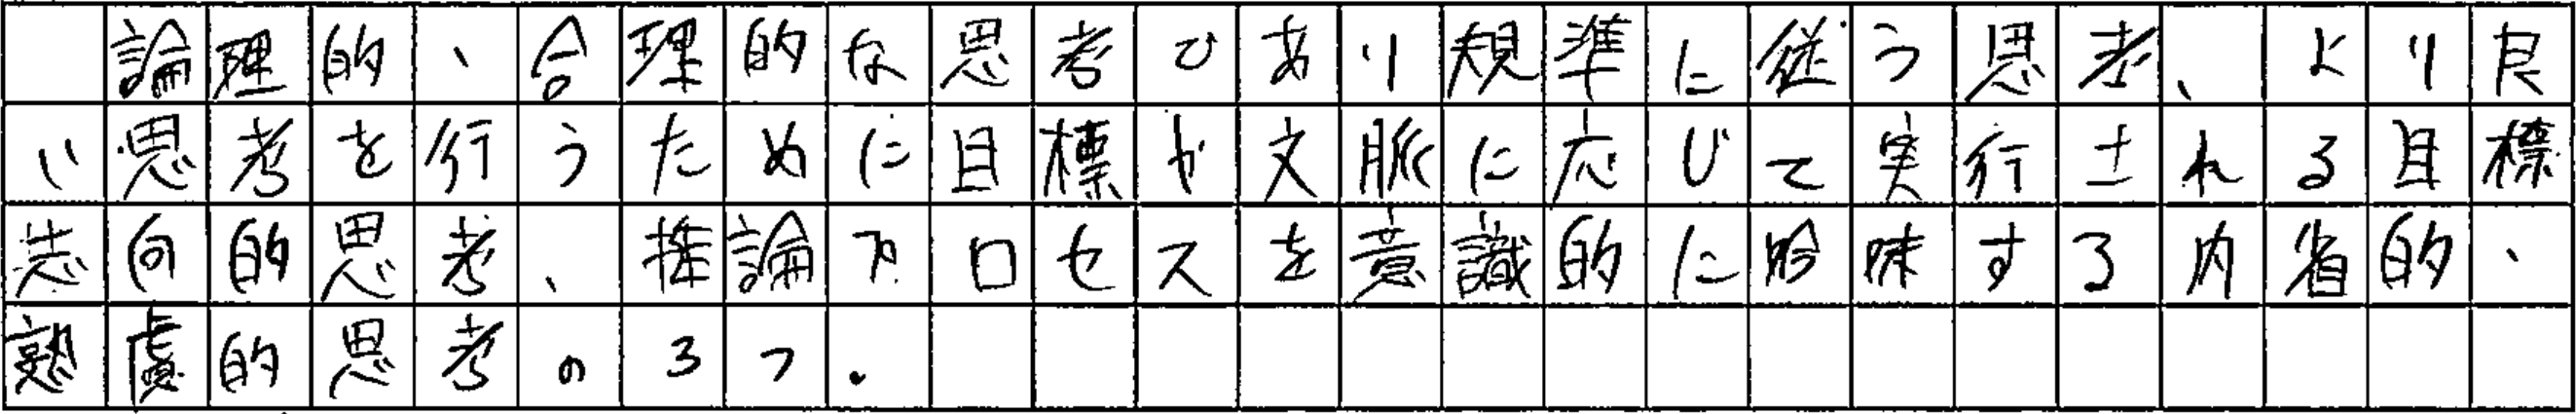　論理的・合理的な思考であり規準に従う思考、より良い思考を行うために目標や文脈に応じて実行される目標志向的思考、推論プロセスを意識的に吟味する内省的・熟慮的思考の３つ。
